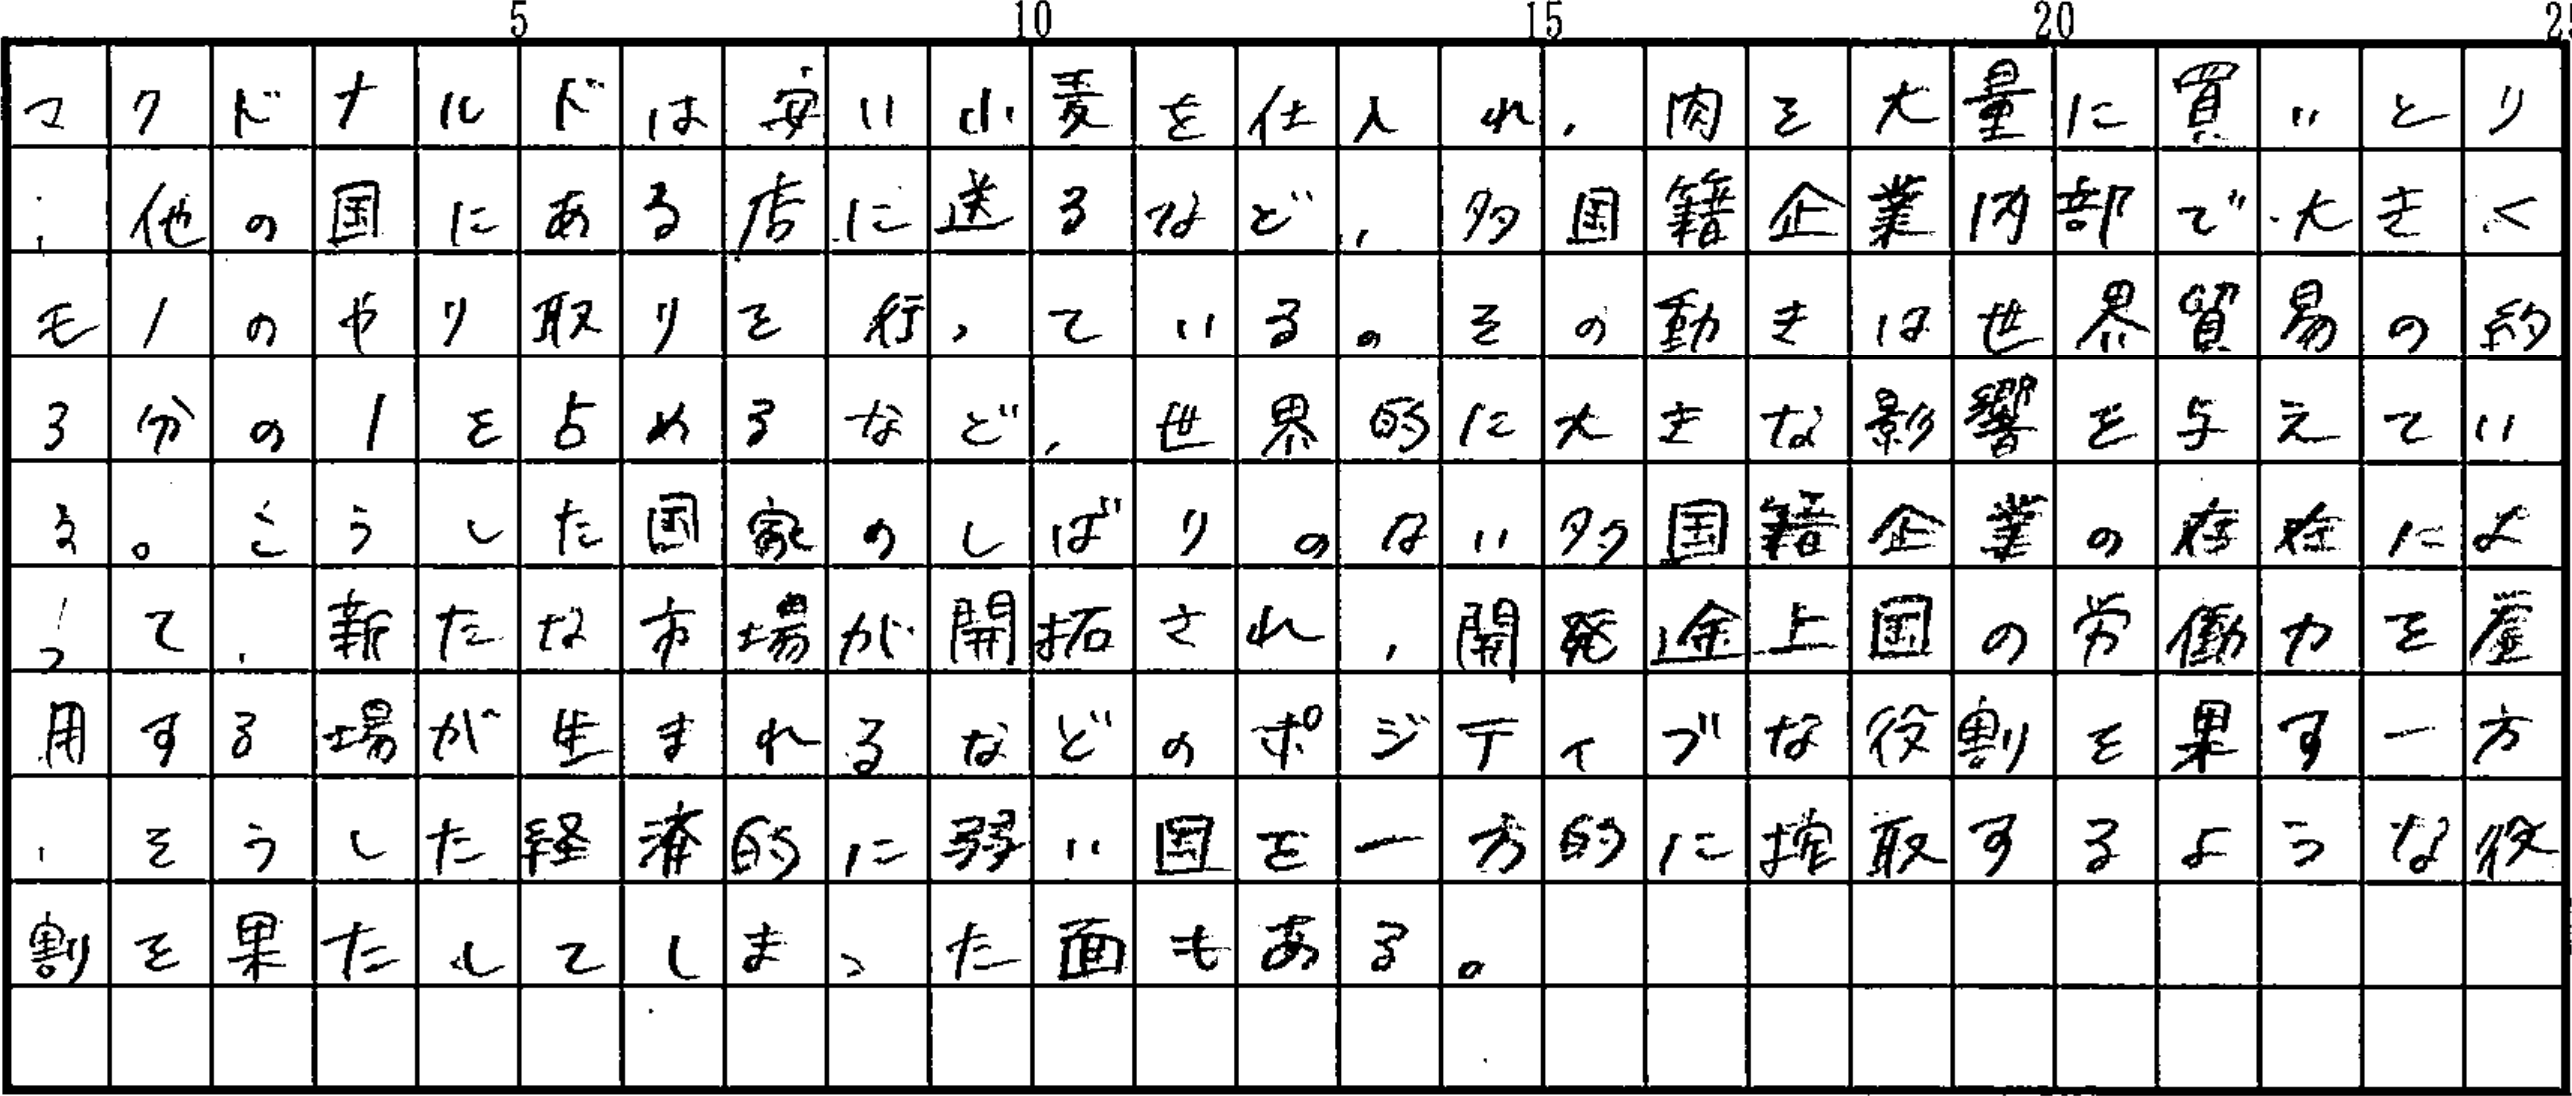マクドナルドは安い小麦を仕入れ、肉を大量に買いとり、他の国にある店に送るなど、多国籍企業内部で大きくモノのやり取りを行っている。その動きは世界貿易の約３分の１を占めるなど、世界的に大きな影響を与えている。こうした国家のしばりのない多国籍企業の存在によって、新たな市場が開拓され、開発途上国の労働力を雇用する場が生まれるなどのポジティブな役割を果す一方、そうした経済的に弱い国を一方的に▁取するような役割を果たしてしまった面もある。
